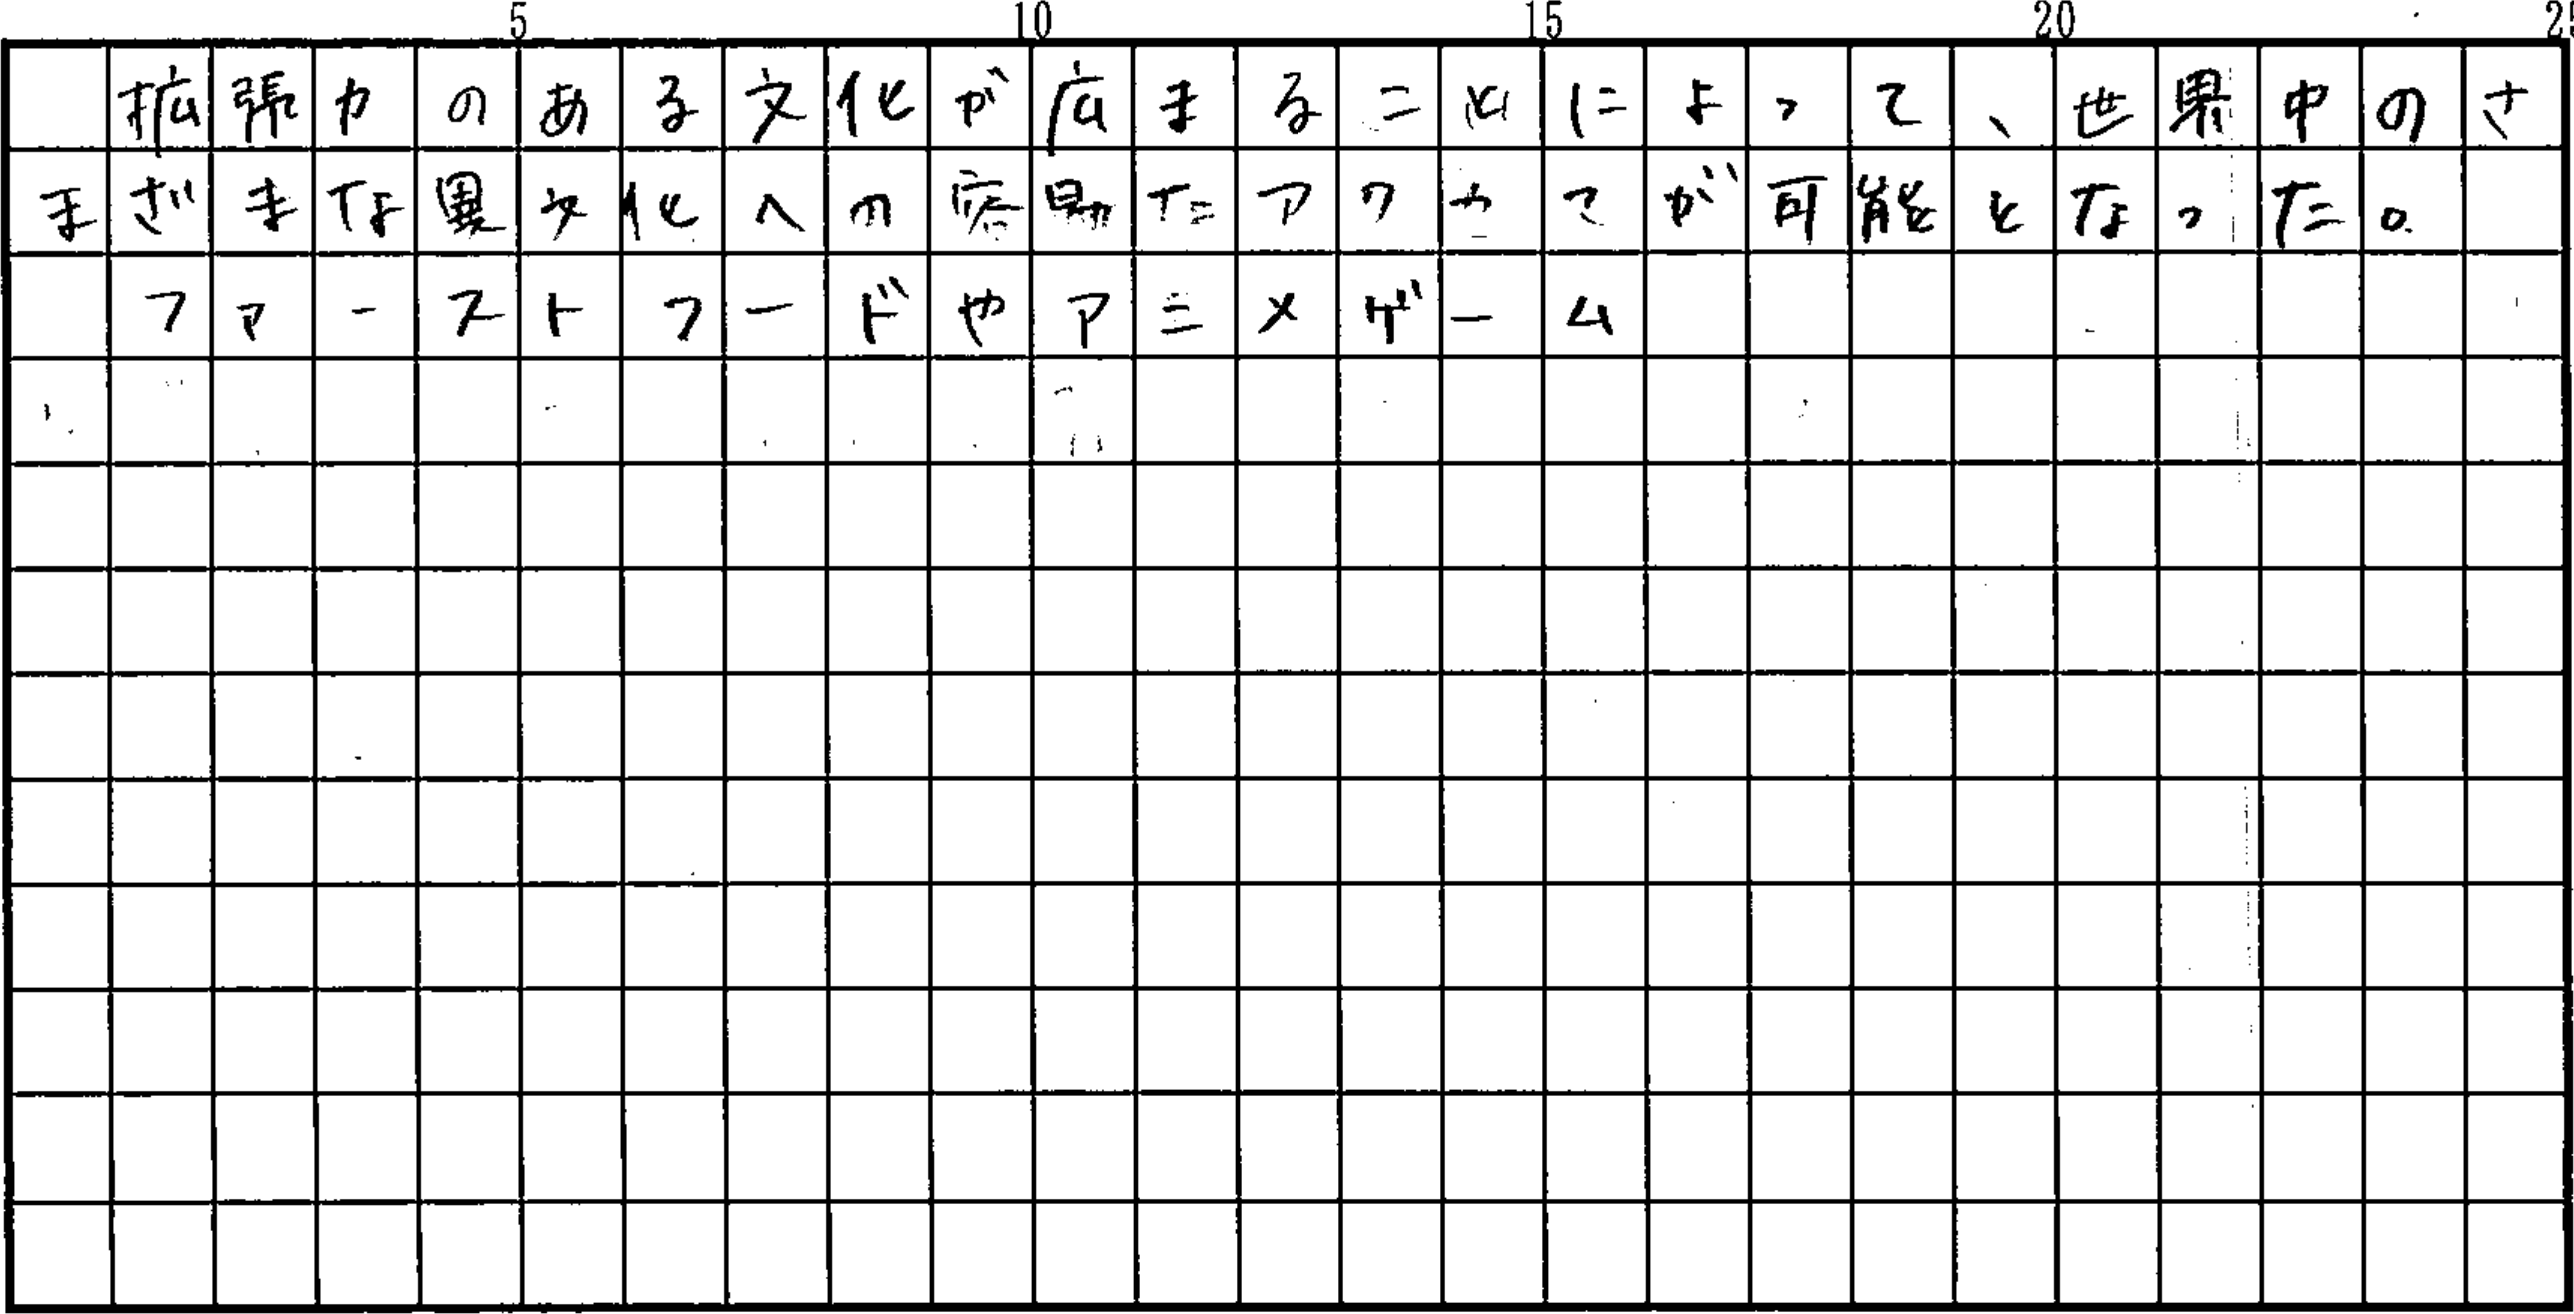　拡張力のある文化が広まることによって、世界中のさまざまな異文化への容易なアクセスが可能となった。
　ファーストフードやアニメゲーム
